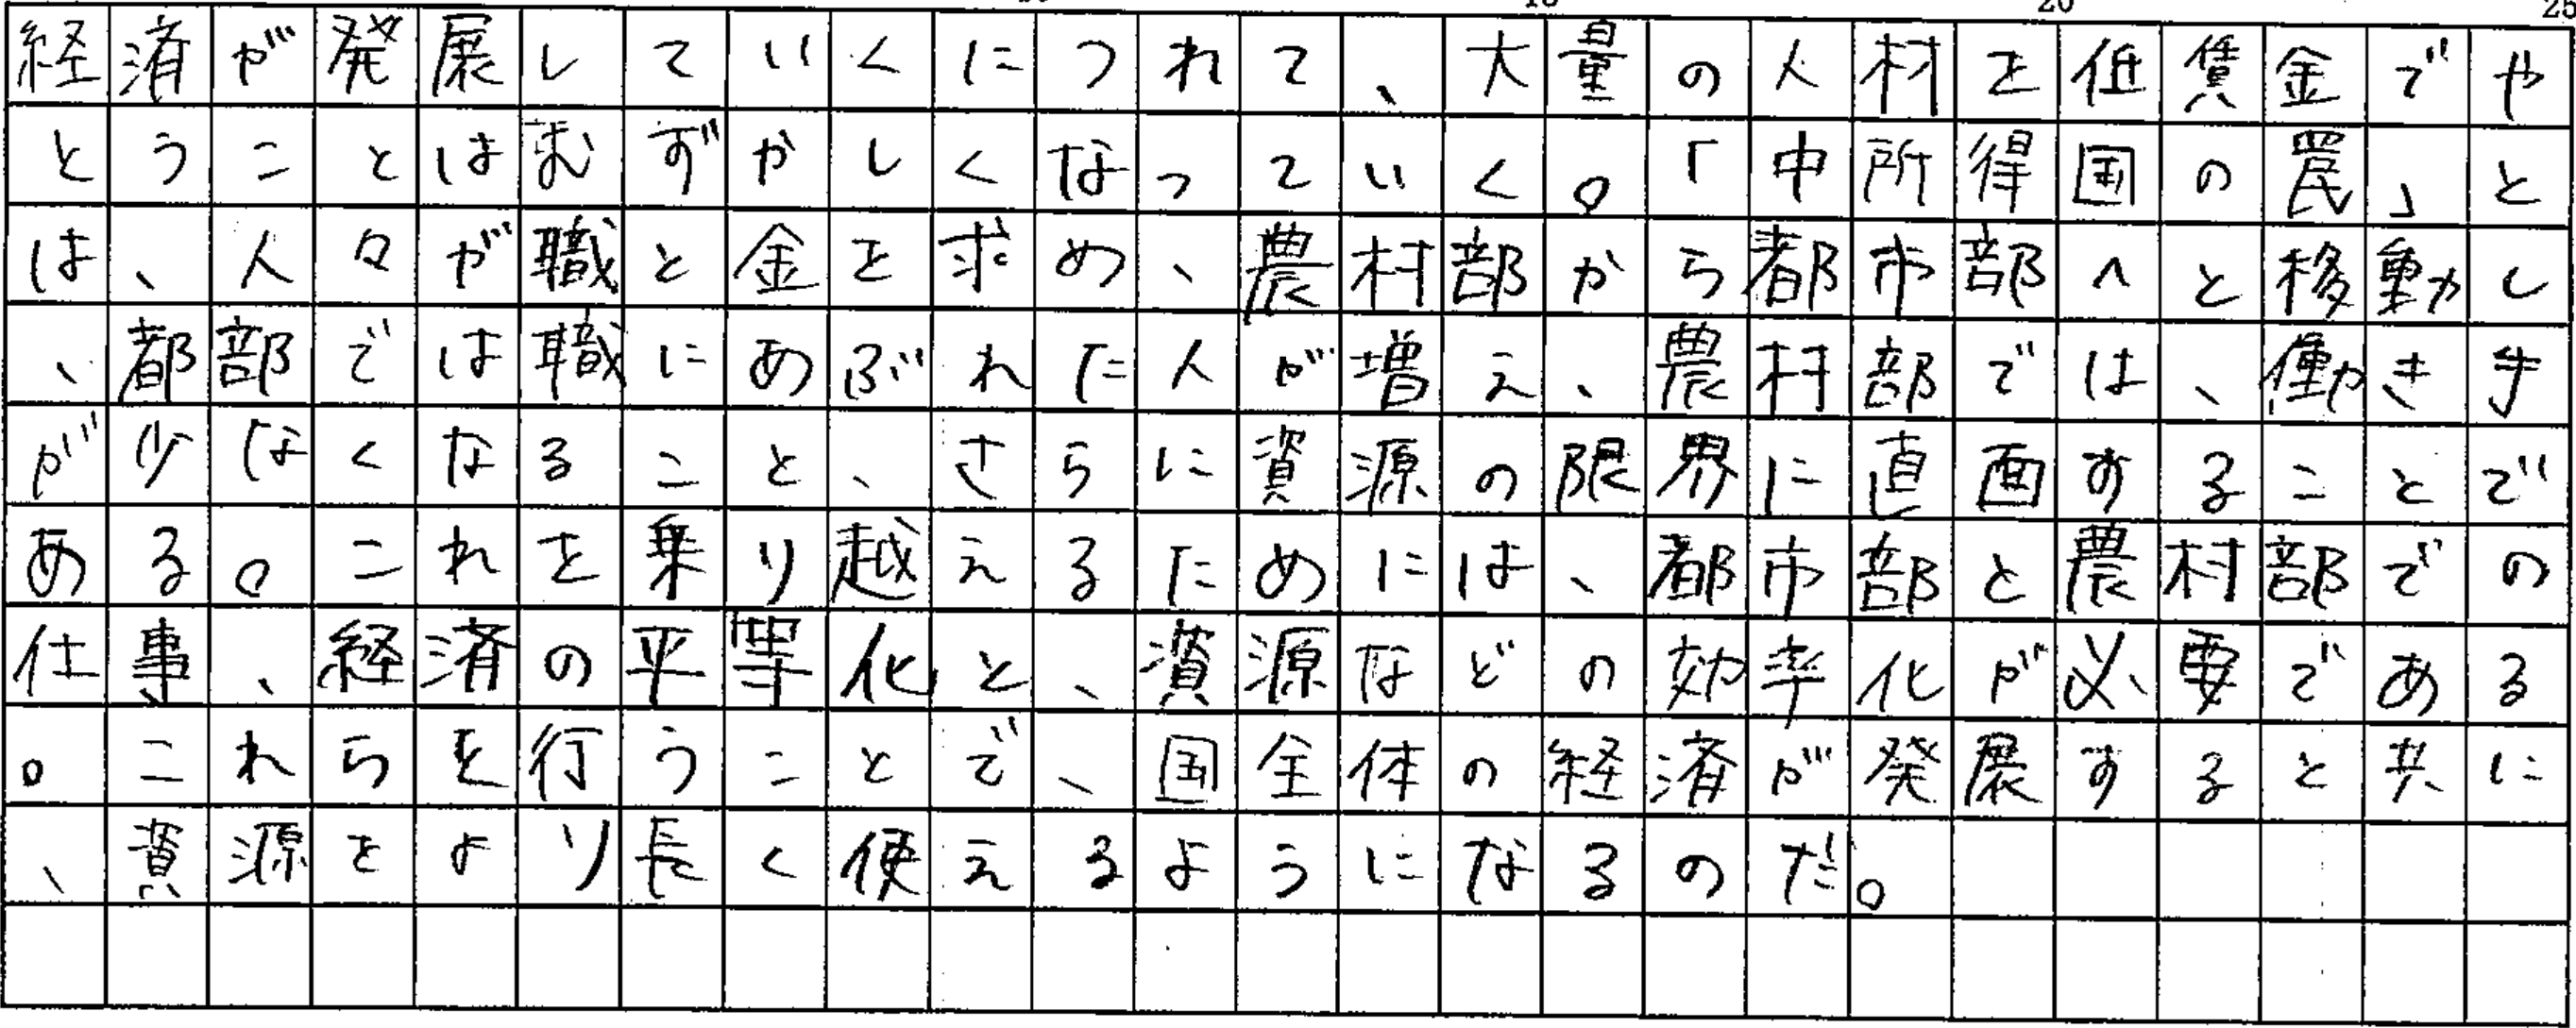経済が発▁していくにつれて、大量の人材を低賃金でやとうことはむずかしくなっていく。「中所得国の罠」とは、人々が職と金を求め、農村部から都市部へと移動し、都部では職にあぶれた人が増え、農村部では、働き手が少なくなること、さらに資源の限界に直面することである。これを乗り越えるためには、都市部と農村部での仕事、経済の平等化と、資源などの効率化が必要である。これらを行うことで、国全体の経済が発▁すると共に、資源をより長く使えるようになるのだ。
